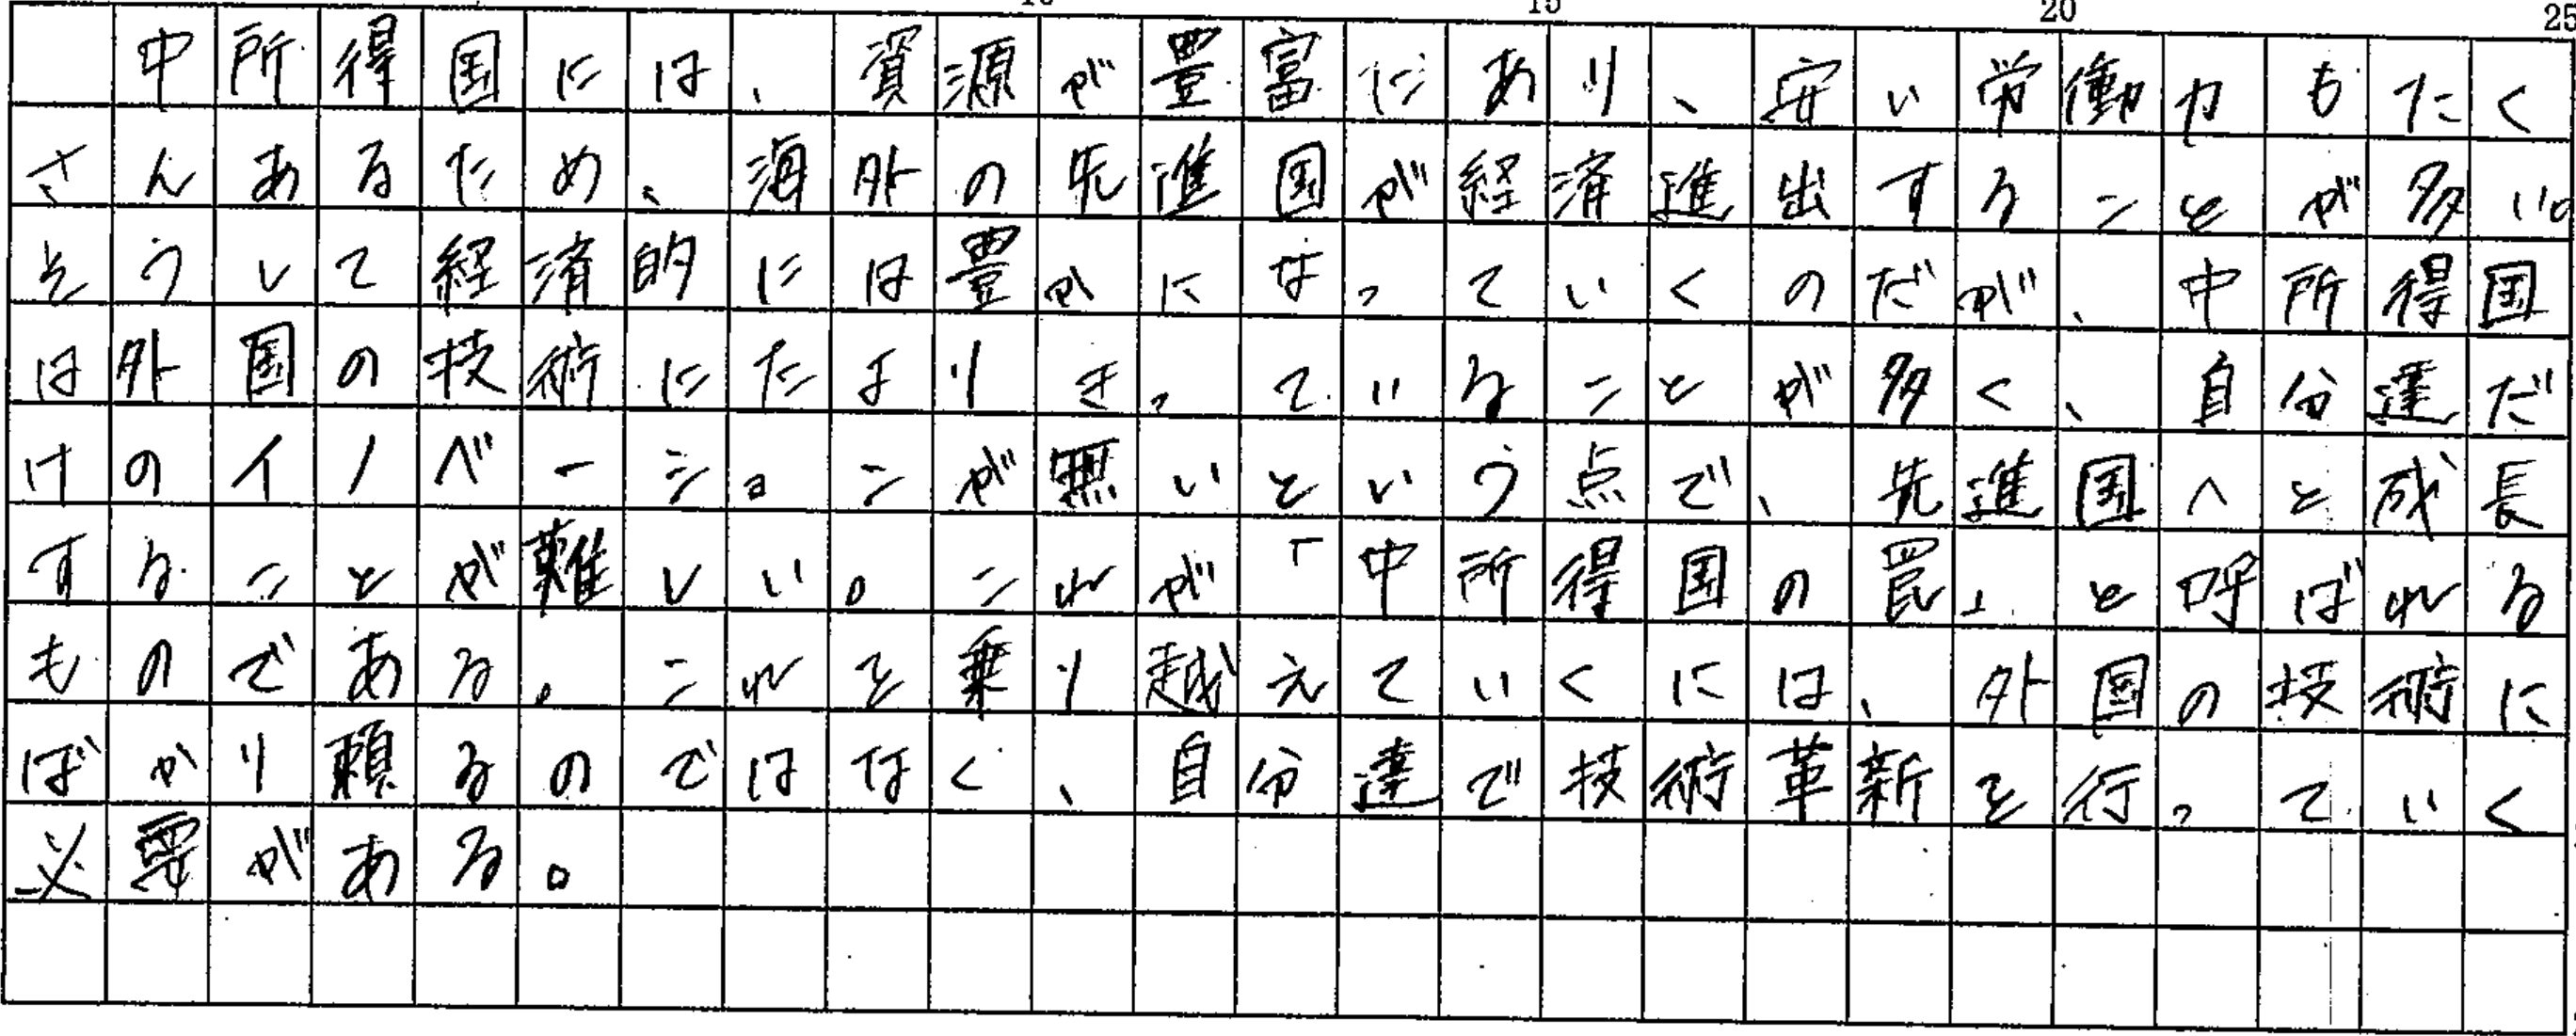　中所得国には、資源が豊富にあり、安い労働力もたくさんあるため、海外の先進国が経済進出することが多い。そうして経済的には豊かになっていくのだが、中所得国は外国の技術にたよりきっていることが多く、自分達だけのイノベーションが無いという点で、先進国へと成長することが難しい。これが「中所得国の罠」と呼ばれるものである。これを乗り越えていくには、外国の技術にばかり頼るのではなく、自分達で技術革新を行っていく必要がある。
